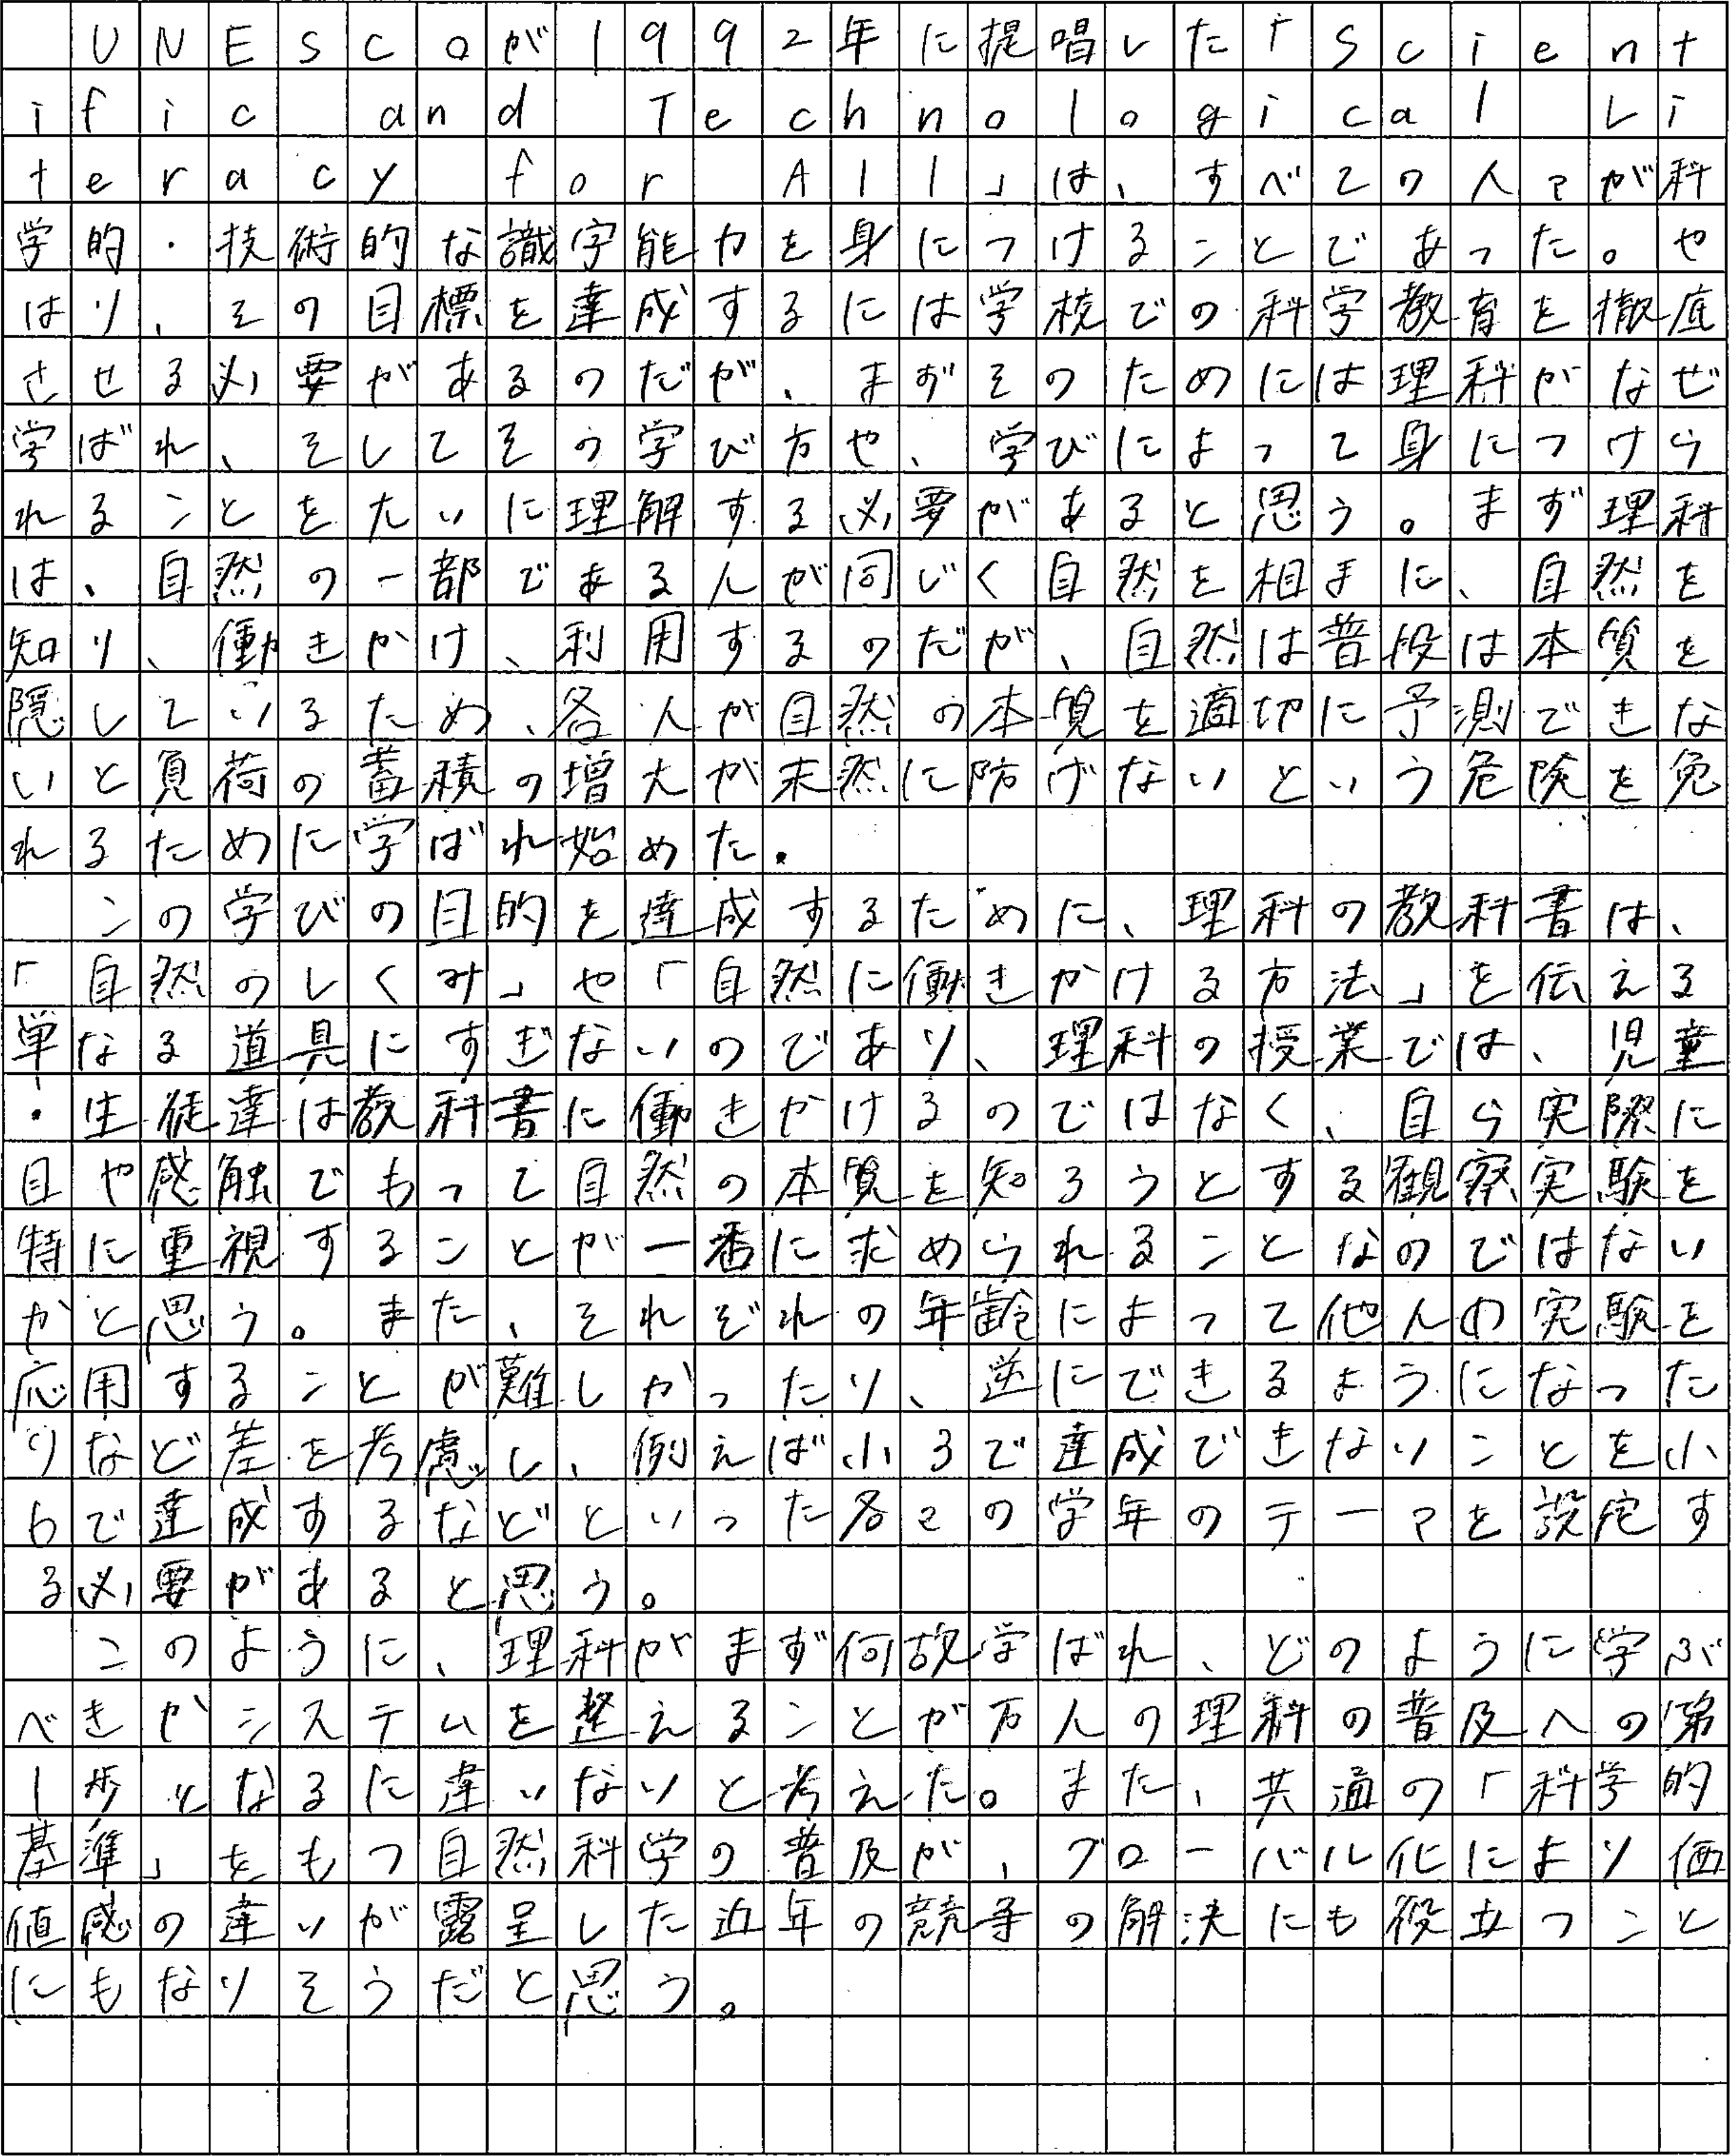　ＵＮＥＳＣＯが１９９２年に提唱した「Ｓｃｉｅｎｔｉｆｉｃ　ａｎｄ　Ｔｅｃｈｎｏｌｏｇｉｃａｌ　Ｌｉｔｅｒａｃｙ　ｆｏｒ　Ａｌｌ」は、すべての人々が科学的・技術的な識字能力を身につけることであった。やはり、その目標を達成するには学校での科学教育を撤底させる必要があるのだが、まずそのためには理科がなぜ学ばれ、そしてその学び方や、学びによって身につけられることを大いに理解する必要があると思う。まず理科は、自然の一部である人が同じく自然を相手に、自然を知り、働きかけ、利用するのだが、自然は普段は本質を隠しているため、各人が自然の本質を適切に予測できないと負荷の蓄積の増大が未然に防げないという危険を免れるために学ばれ始めた。
　この学びの目的を達成するために、理科の教科書は、「自然のしくみ」や「自然に働きかける方法」を伝える単なる道具にすぎないのであり、理科の授業では、児童・生徒達は教科書に働きかけるのではなく、自ら実際に目や感触でもって自然の本質を知ろうとする観察実験を特に重視することが一番に求められることなのではないかと思う。また、それぞれの年齢によって他人の実験を応用することが難しかったり、逆にできるようになったりなど差を考慮し、例えば小３で達成できないことを小６で達成するなどといった各々の学年のテーマを設定する必要があると思う。
　このように、理科がまず何故学ばれ、どのように学ぶべきかシステムを整えることが万人の理科の普及への第１歩となるに違いないと考えた。また、共通の「科学的基準」をもつ自然科学の普及が、グローバル化により価値感の違いが露呈した近年の競争の解決にも役立つことにもなりそうだと思う。
